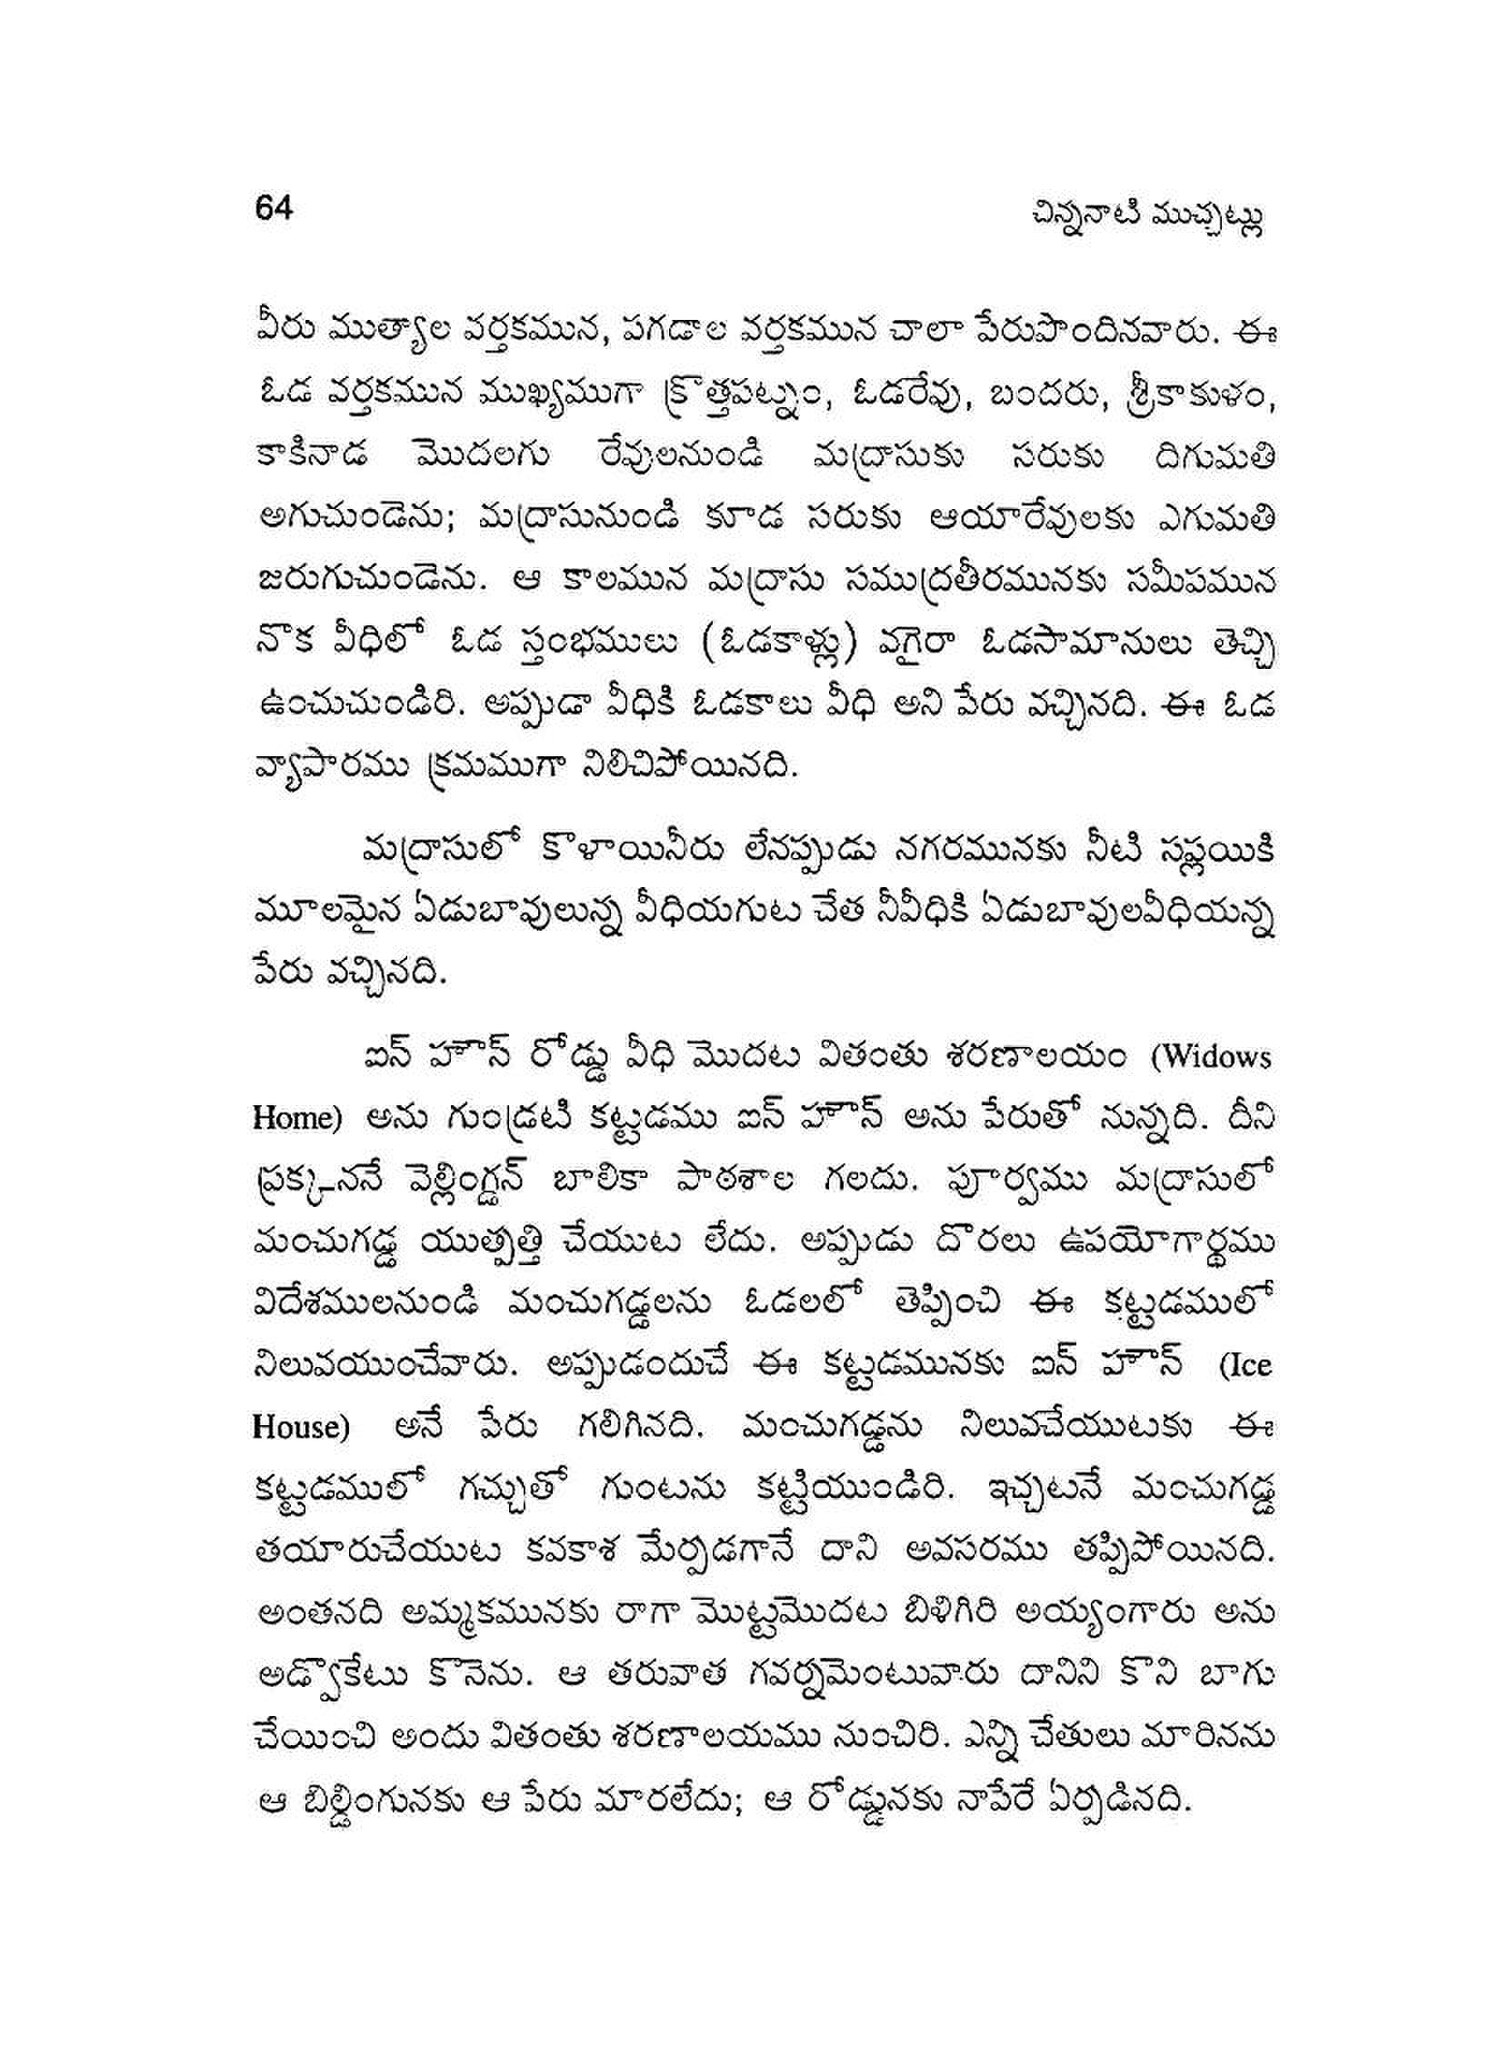వీరు ముత్యాల వర్తకమున, పగడాల వర్తకమున చాలా పేరుపొందినవారు. ఈ ఓడ వర్తకమున ముఖ్యముగా క్రొత్తపట్నం, ఓడరేవు, బందరు, శ్రీకాకుళం, కాకినాడ మొదలగు రేవులనుండి మద్రాసుకు సరుకు దిగుమతి అగుచుండెను; మద్రాసునుండి కూడ సరుకు ఆయా రేవులకు ఎగుమతి జరుగుచుండెను. ఆ కాలమున మద్రాసు సముద్రతీరమునకు సమీపమున నొక వీధిలో ఓడ స్తంభములు (ఓడకాళ్లు) వగైరా ఓడసామానులు తెచ్చి ఉంచుచుండిరి. అప్పడా వీధికి ఓడకాలు వీధి అని పేరు వచ్చినది. ఈ ఓడ వ్యాపారము క్రమముగా నిలిచిపోయినది.

మద్రాసులో కొళాయినీరు లేనప్పుడు నగరమునకు నీటి సప్లయికి మూలమైన ఏడుబావులున్న వీధియగుట చేత నీవీధికి ఏడుబావులవీధియన్న పేరు వచ్చినది.

ఐన్ హౌస్ రోడ్డు వీధి మొదట వితంతు శరణాలయం (Widows Home) అను గుండ్రటి కట్టడము ఐస్ హౌస్ అను పేరుతో నున్నది. దీని ప్రక్కననే వెల్లింగ్టన్ బాలికా పాఠశాల గలదు. పూర్వము మద్రాసులో మంచుగడ్డ యుత్పత్తి చేయుట లేదు. అప్పడు దొరలు ఉపయోగార్థము విదేశములనుండి మంచుగడ్డలను ఓడలలో తెప్పించి ఈ కట్టడములో నిలువయుంచేవారు. అప్పుడందుచే ఈ కట్టడమునకు ఐస్ హౌస్ (Ice House) అనే పేరు గలిగినది. మంచుగడ్డను నిలువచేయుటకు ఈ కట్టడములో గచ్చుతో గుంటను కట్టియుండిరి. ఇచ్చటనే మంచుగడ్డ తయారుచేయుట కవకాశమేర్పడగానే దాని అవసరము తప్పిపోయినది. అంతనది అమ్మకమునకు రాగా మొట్టమొదట బిళిగిరి అయ్యంగారు అను అడ్వొకేటు కొనెను. ఆ తరువాత గవర్నమెంటువారు దానిని కొని బాగు చేయించి అందు వితంతు శరణాలయము నుంచిరి. ఎన్ని చేతులు మారినను ఆ బిల్డింగునకు ఆ పేరు మారలేదు; ఆ రోడ్డునకు నాపేరే ఏర్పడినది.